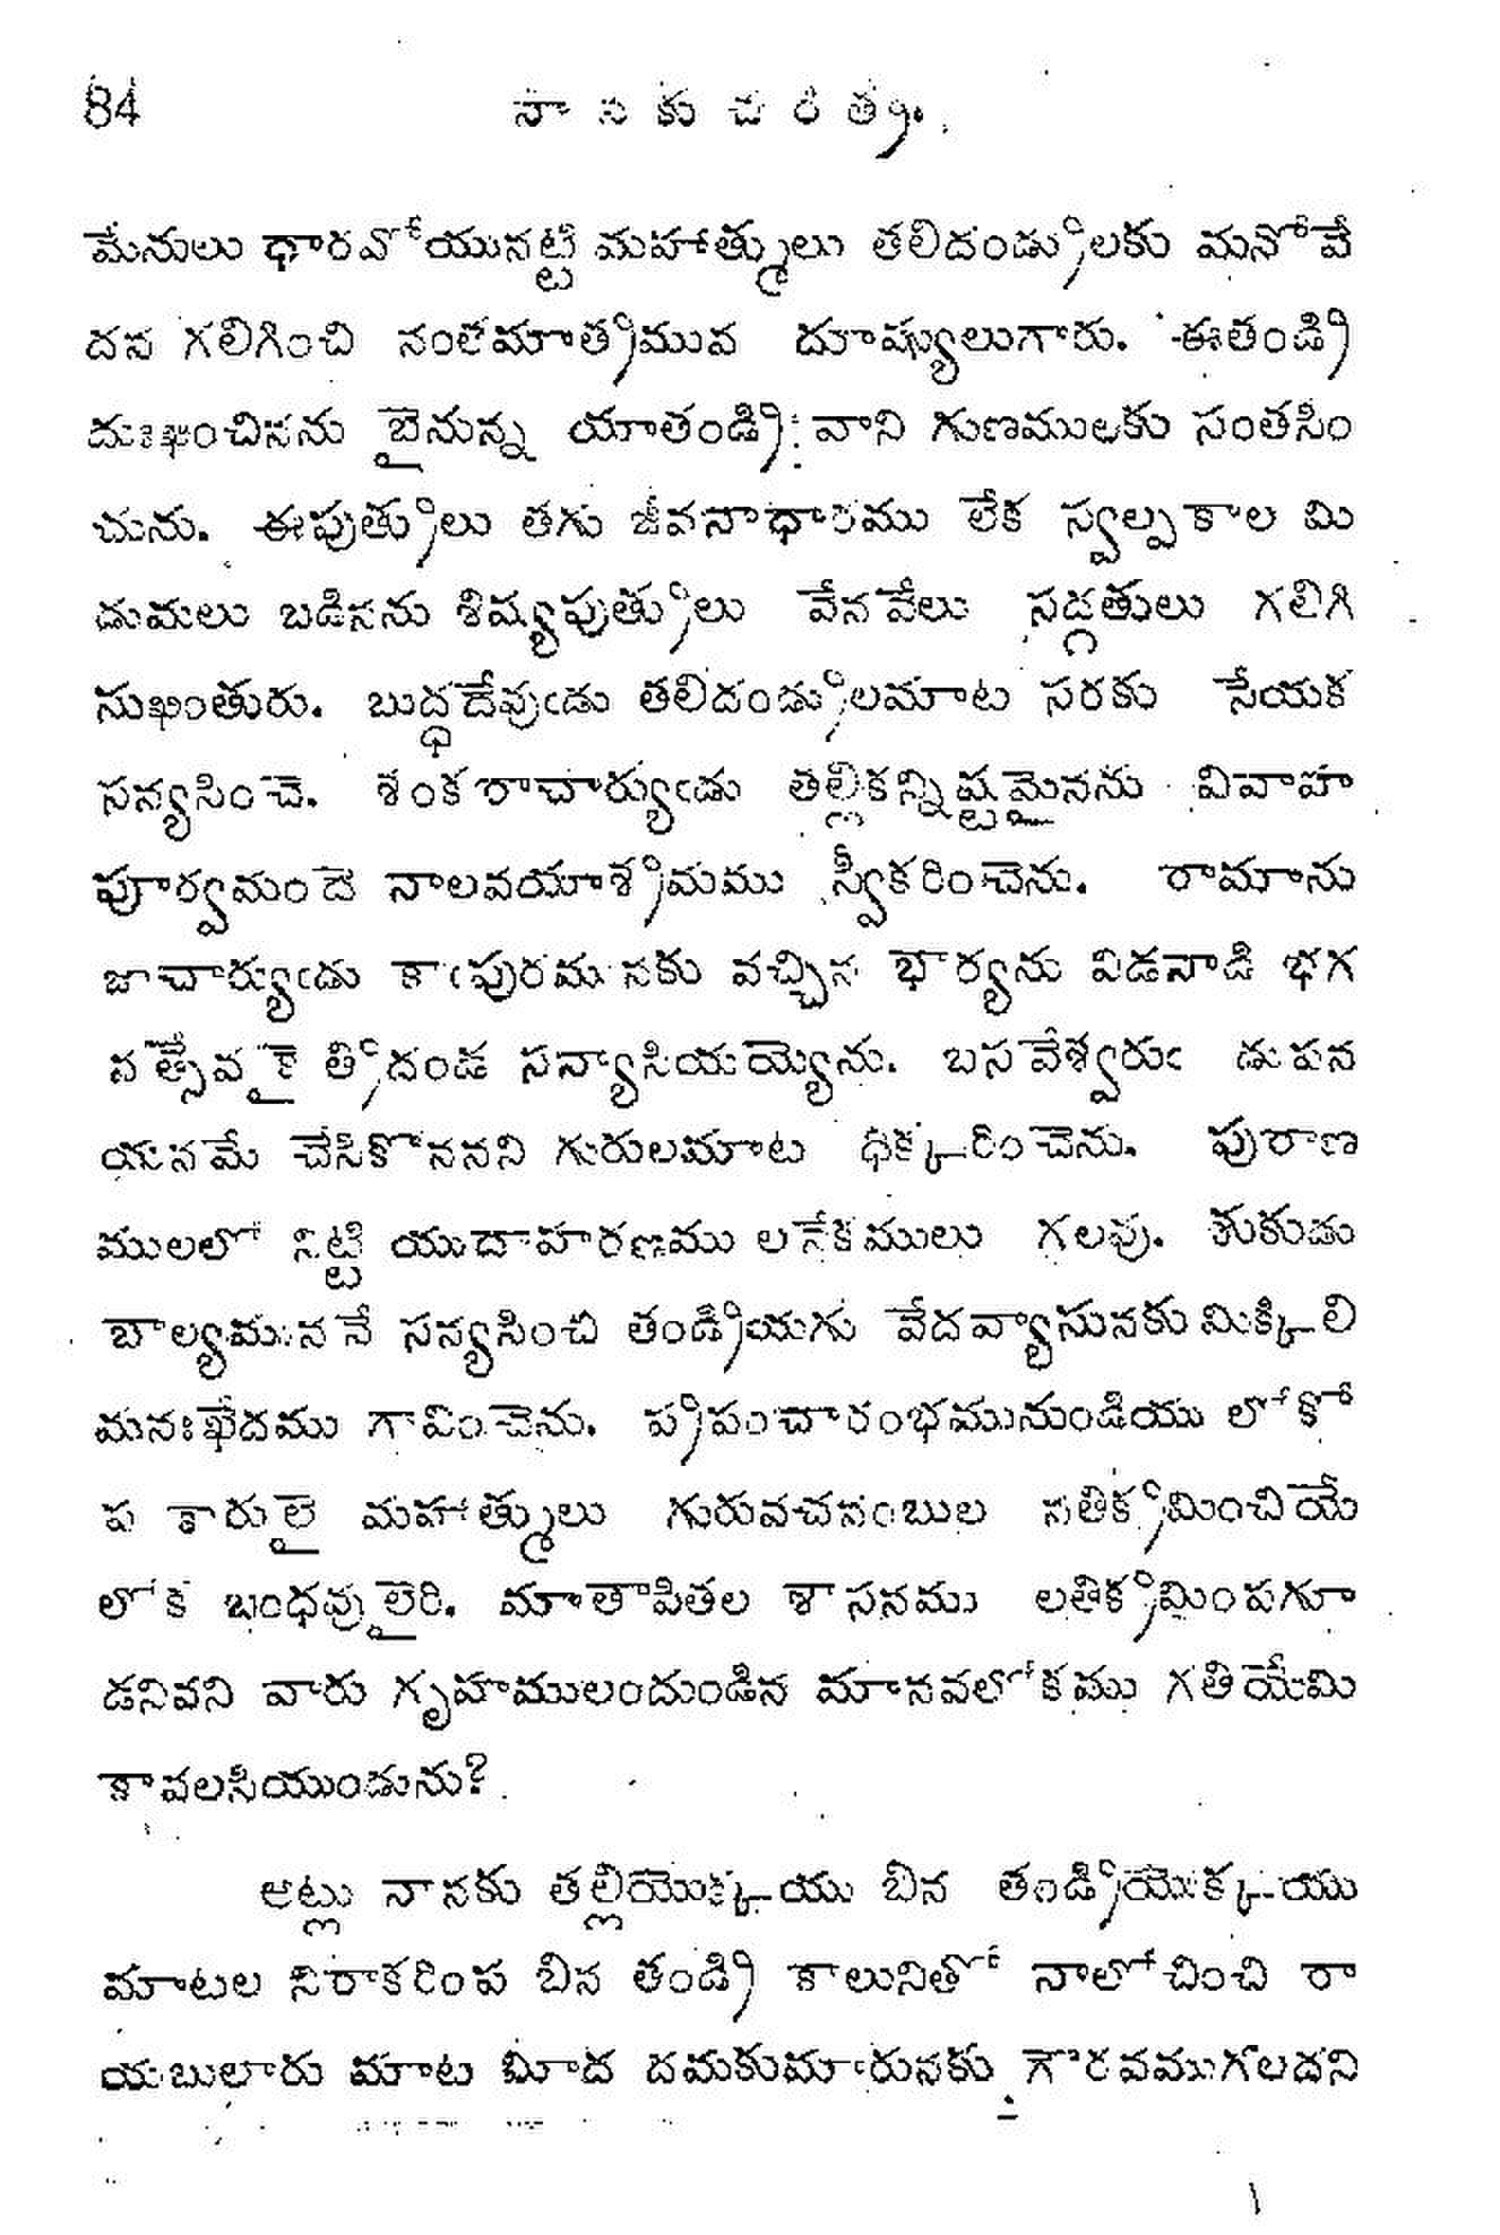మేనులు ధారవోయునట్టి మహాత్ములు తలిదండ్రులకు మనోవేదన గలిగించి నంతమాత్రమున దూష్యులుగారు. ఈతండ్రి దు:ఖించినను బైనున్న యాతండ్రి:వాని గుణములకు సంతసించును. ఈపుత్రులు తగు జీవనాధారము లేక స్వల్పకాల మిడుమలు బడినను శిష్యపుత్రులు వేనవేలు సద్గతులు గలిగి సుఖింతురు. బుద్ధదేవుడు తలిదండ్రులమాట సరకు సేయక సన్యసించె. శంకరాచార్యుడు తల్లికన్నిష్టమైనను వివాహపూర్వమందె నాలవయాశ్రమము స్వీకరించెను. రామానుజాచార్యుడు కాపురమునకు వచ్చిన భార్యను విడనాడి భగవత్సేవకై త్రిదండ సన్యాసియయ్యెను. బసవేశ్వరు డుపనయనమే చేసికొననని గురులమాట ధిక్కరించెను. పురాణములలో నిట్టి యుదాహరణము లనేకములు గలవు. శుకుడు బాల్యముననే సన్యసించి తండ్రియగు వేదవ్యాసునకు మిక్కిలి మన:ఖేదము గావించెను. ప్రపంచారంభమునుండియు లోకోప కారులై మహాత్ములు గురువచనంబుల నతిక్రమించియే లోక బంధువులైరి. మాతాపితల శాసనము లతిక్రమింపగూడనివని వారు గృహములందుండిన మానవలోకము గతియేమి కావలసియుండును? 

అట్లు నానకు తల్లియొక్కయు బిన తండ్రియొక్కయు మాటల నిరాకరింప బిన తండ్రి కాలునితో నాలోచించి రాయబులారు మాట మీద దమకుమారునకు గౌరవముగలదని